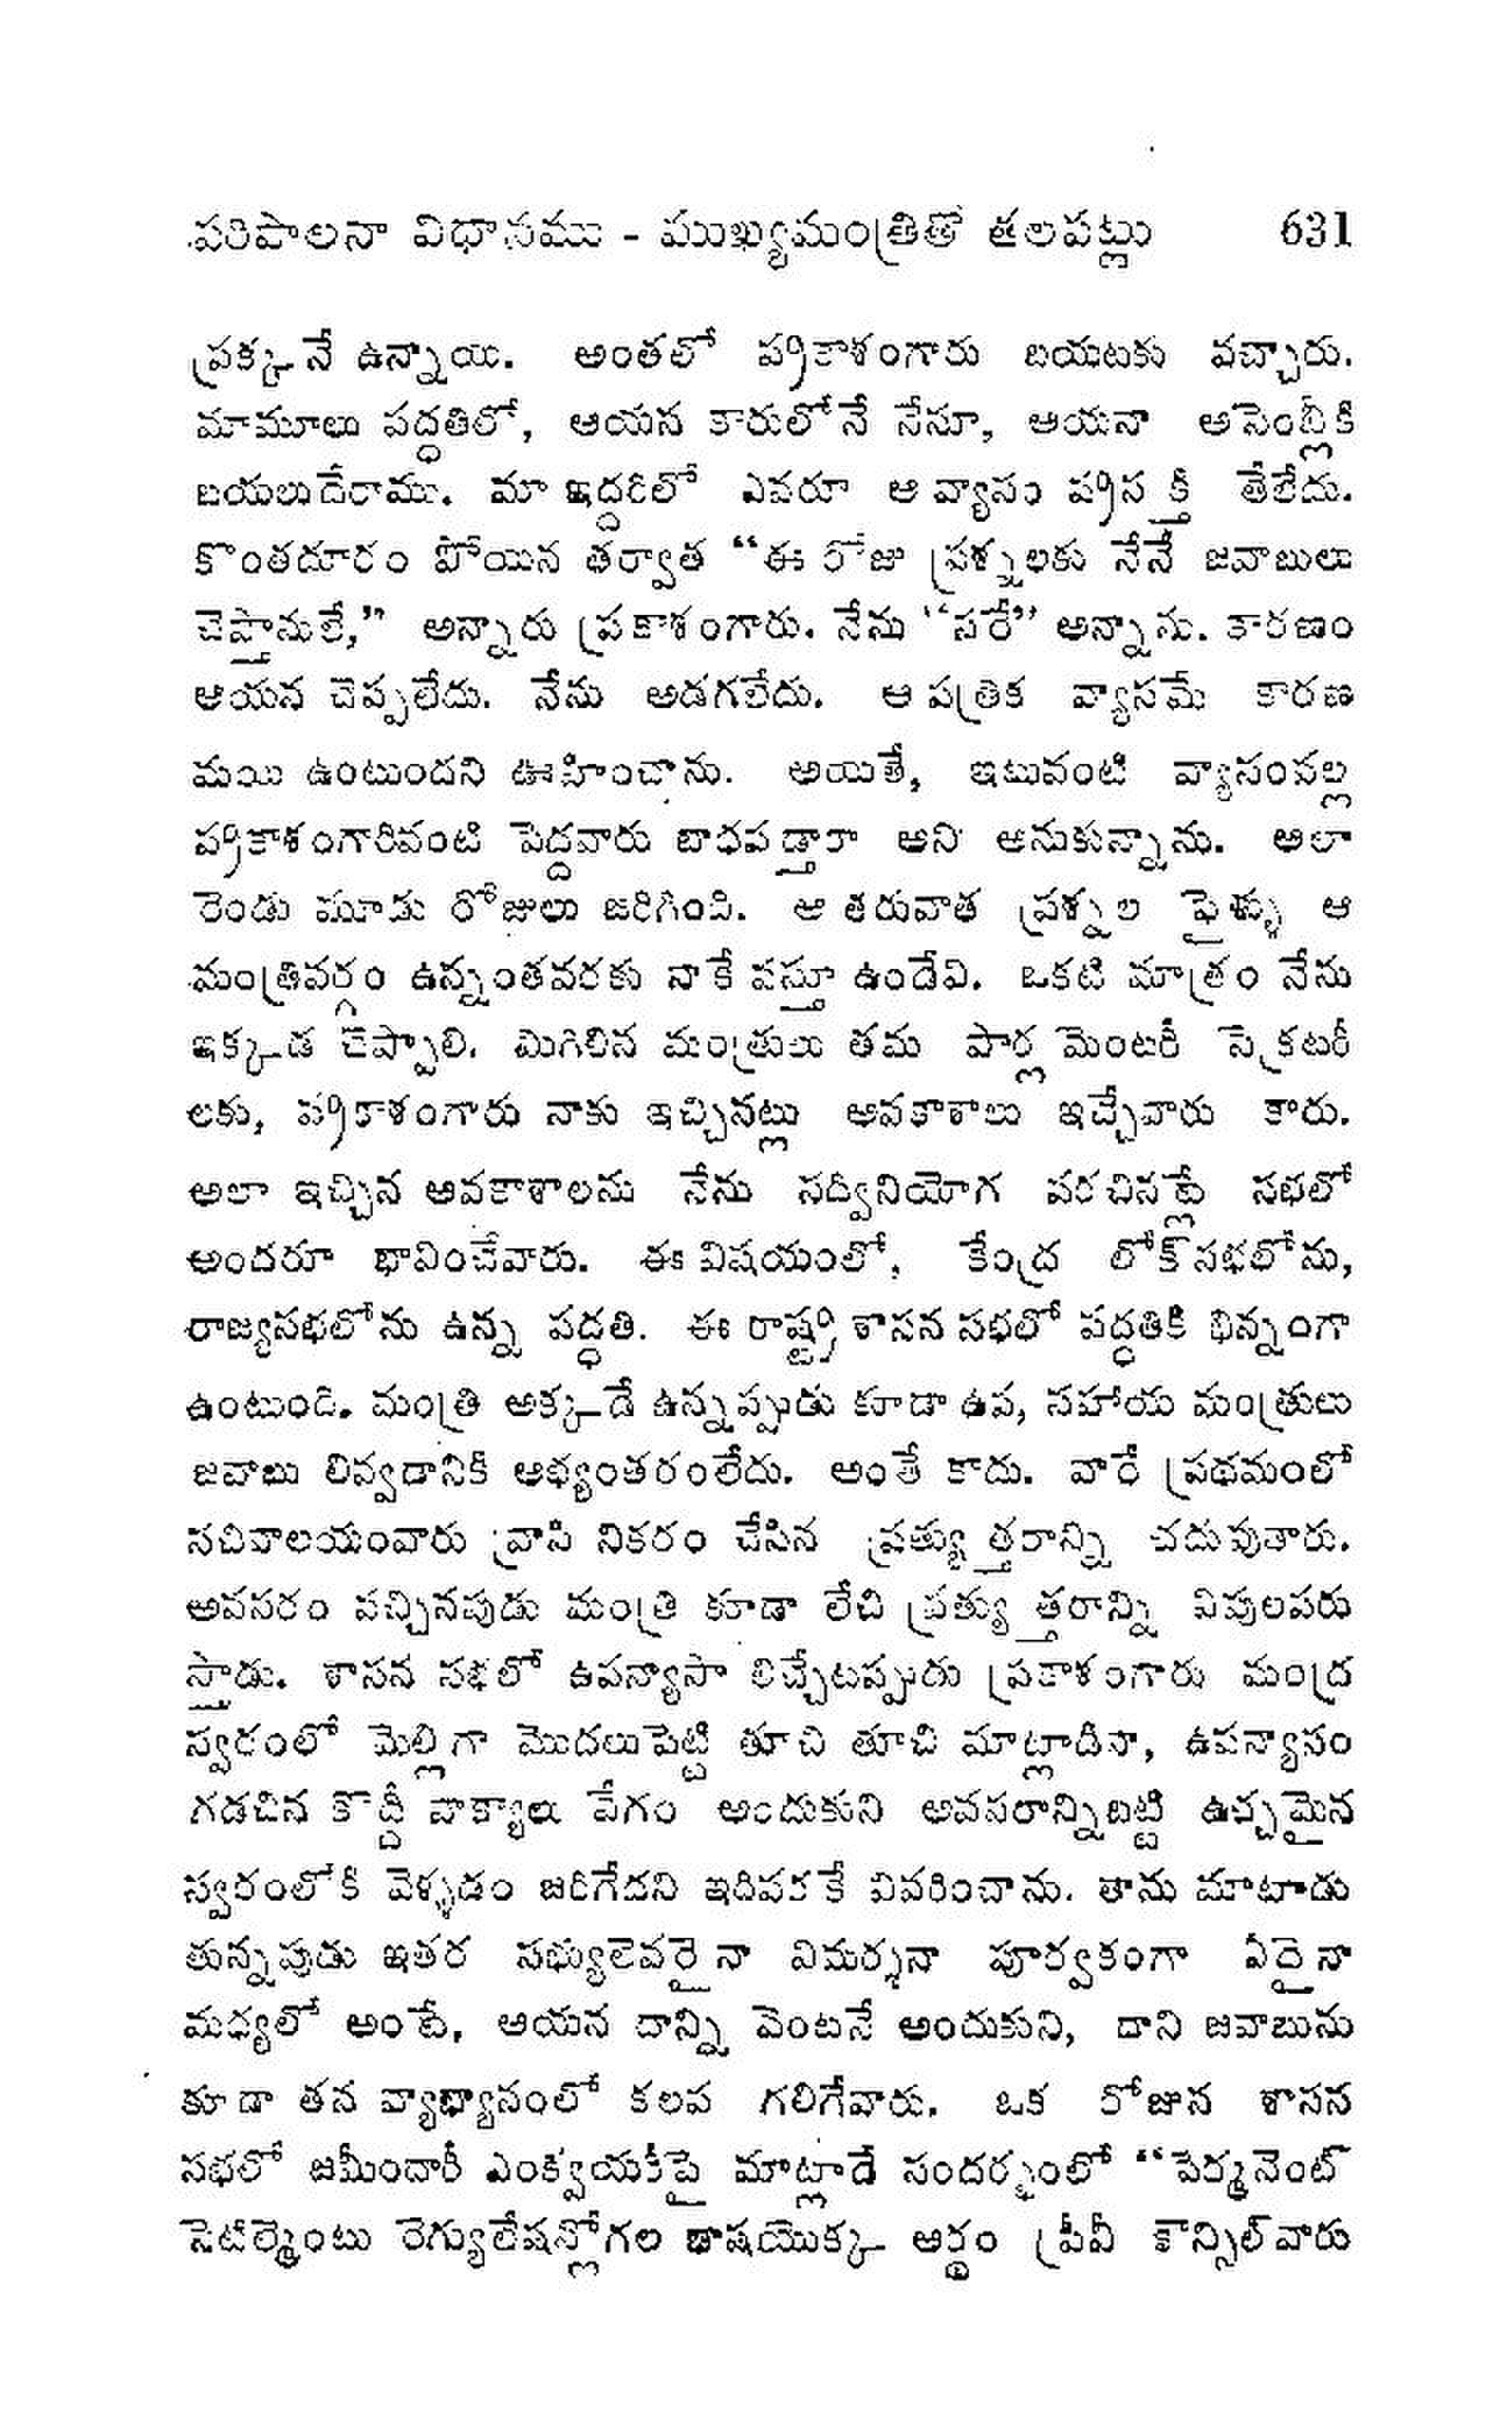ప్రక్కనే ఉన్నాయి. అంతలో ప్రకాశంగారు బయటకు వచ్చారు. మామూలు పద్ధతిలో, ఆయన కారులోనే నేనూ, ఆయనా అసెంబ్లీకి బయలు దేరాము. మా ఇద్దరిలో ఎవరూ ఆ వ్యాసం ప్రసక్తి తేలేదు. కొంతదూరం పోయిన తర్వాత "ఈ రోజు ప్రశ్నలకు నేనే జవాబులు చెప్తానులే," అన్నారు ప్రకాశంగారు. నేను "సరే" అన్నాను. కారణం ఆయన చెప్పలేదు. నేను అడగలేదు. ఆ పత్రిక వ్యాసమే కారణమయి ఉంటుందని ఊహించాను. అయితే, ఇటువంటి వ్యాసంవల్ల ప్రకాశంగారి వంటి పెద్దవారు బాధపడ్తారా అని అనుకున్నాను. అలా రెండు మూడు రోజులు జరిగింది. ఆ తరువాత ప్రశ్నల ఫైళ్ళు ఆ మంత్రివర్గం ఉన్నంత వరకు నాకే వస్తూ ఉండేవి. ఒకటి మాత్రం నేను ఇక్కడ చెప్పాలి. మిగిలిన మంత్రులు తమ పార్ల మెంటరీ సెక్రటరీలకు, ప్రకాశంగారు నాకు ఇచ్చినట్లు అవకాశాలు ఇచ్చేవారు కారు. అలా ఇచ్చిన అవకాశాలను నేను సద్వినియోగ పరచినట్లే సభలో అందరూ భావించేవారు. ఈ విషయంలో, కేంద్ర లోక్‌సభ లోను, రాజ్యసభ లోను ఉన్న పద్ధతి. ఈ రాష్ట్ర శాసన సభలో పద్ధతికి భిన్నంగా ఉంటుంది. మంత్రి అక్కడే ఉన్నప్పుడు కూడా ఉప, సహాయ మంత్రులు జవాబు లివ్వడానికి అభ్యంతరంలేదు. అంతే కాదు. వారే ప్రథమంలో సచివాలయంవారు వ్రాసి నికరం చేసిన ప్రత్యుత్తరాన్ని చదువుతారు. అవసరం వచ్చినపుడు మంత్రి కూడా చేచి ప్రత్యుత్తరాన్ని విపులపరుస్తాడు. శాసన సభలో ఉపన్యాసా లిచ్చేటప్పుడు ప్రకాశంగారు మంద్ర స్వరంలో మెల్లిగా మొదలుపెట్టి తూచి తూచి మాట్లాడినా, ఉపన్యాసం గడచిన కొద్దీ వాక్యాలు వేగం అందుకుని అవసరాన్నిబట్టి ఉచ్చమైన స్వరంలోకి వెళ్ళడం జరిగేదని ఇదివరకే వివరించాను. తాను మాటాడుతున్నపుడు ఇతర సభ్యులెవరైనా విమర్శనా పూర్వకంగా ఏదైనా మధ్యలో అంటే, ఆయన దాన్ని వెంటనే అందుకుని, దాని జవాబును కూడా తన వ్యాఖ్యానంలో కలప గలిగేవారు. ఒక రోజున శాసన సభలో జమీందారీ ఎంక్వయరీపై మాట్లాడే సందర్భంలో "పెర్మనెంట్ సెటిల్మెంటు రెగ్యులేషన్లోగల భాషయొక్క అర్థం ప్రీవీ కౌన్సిల్‌వారు